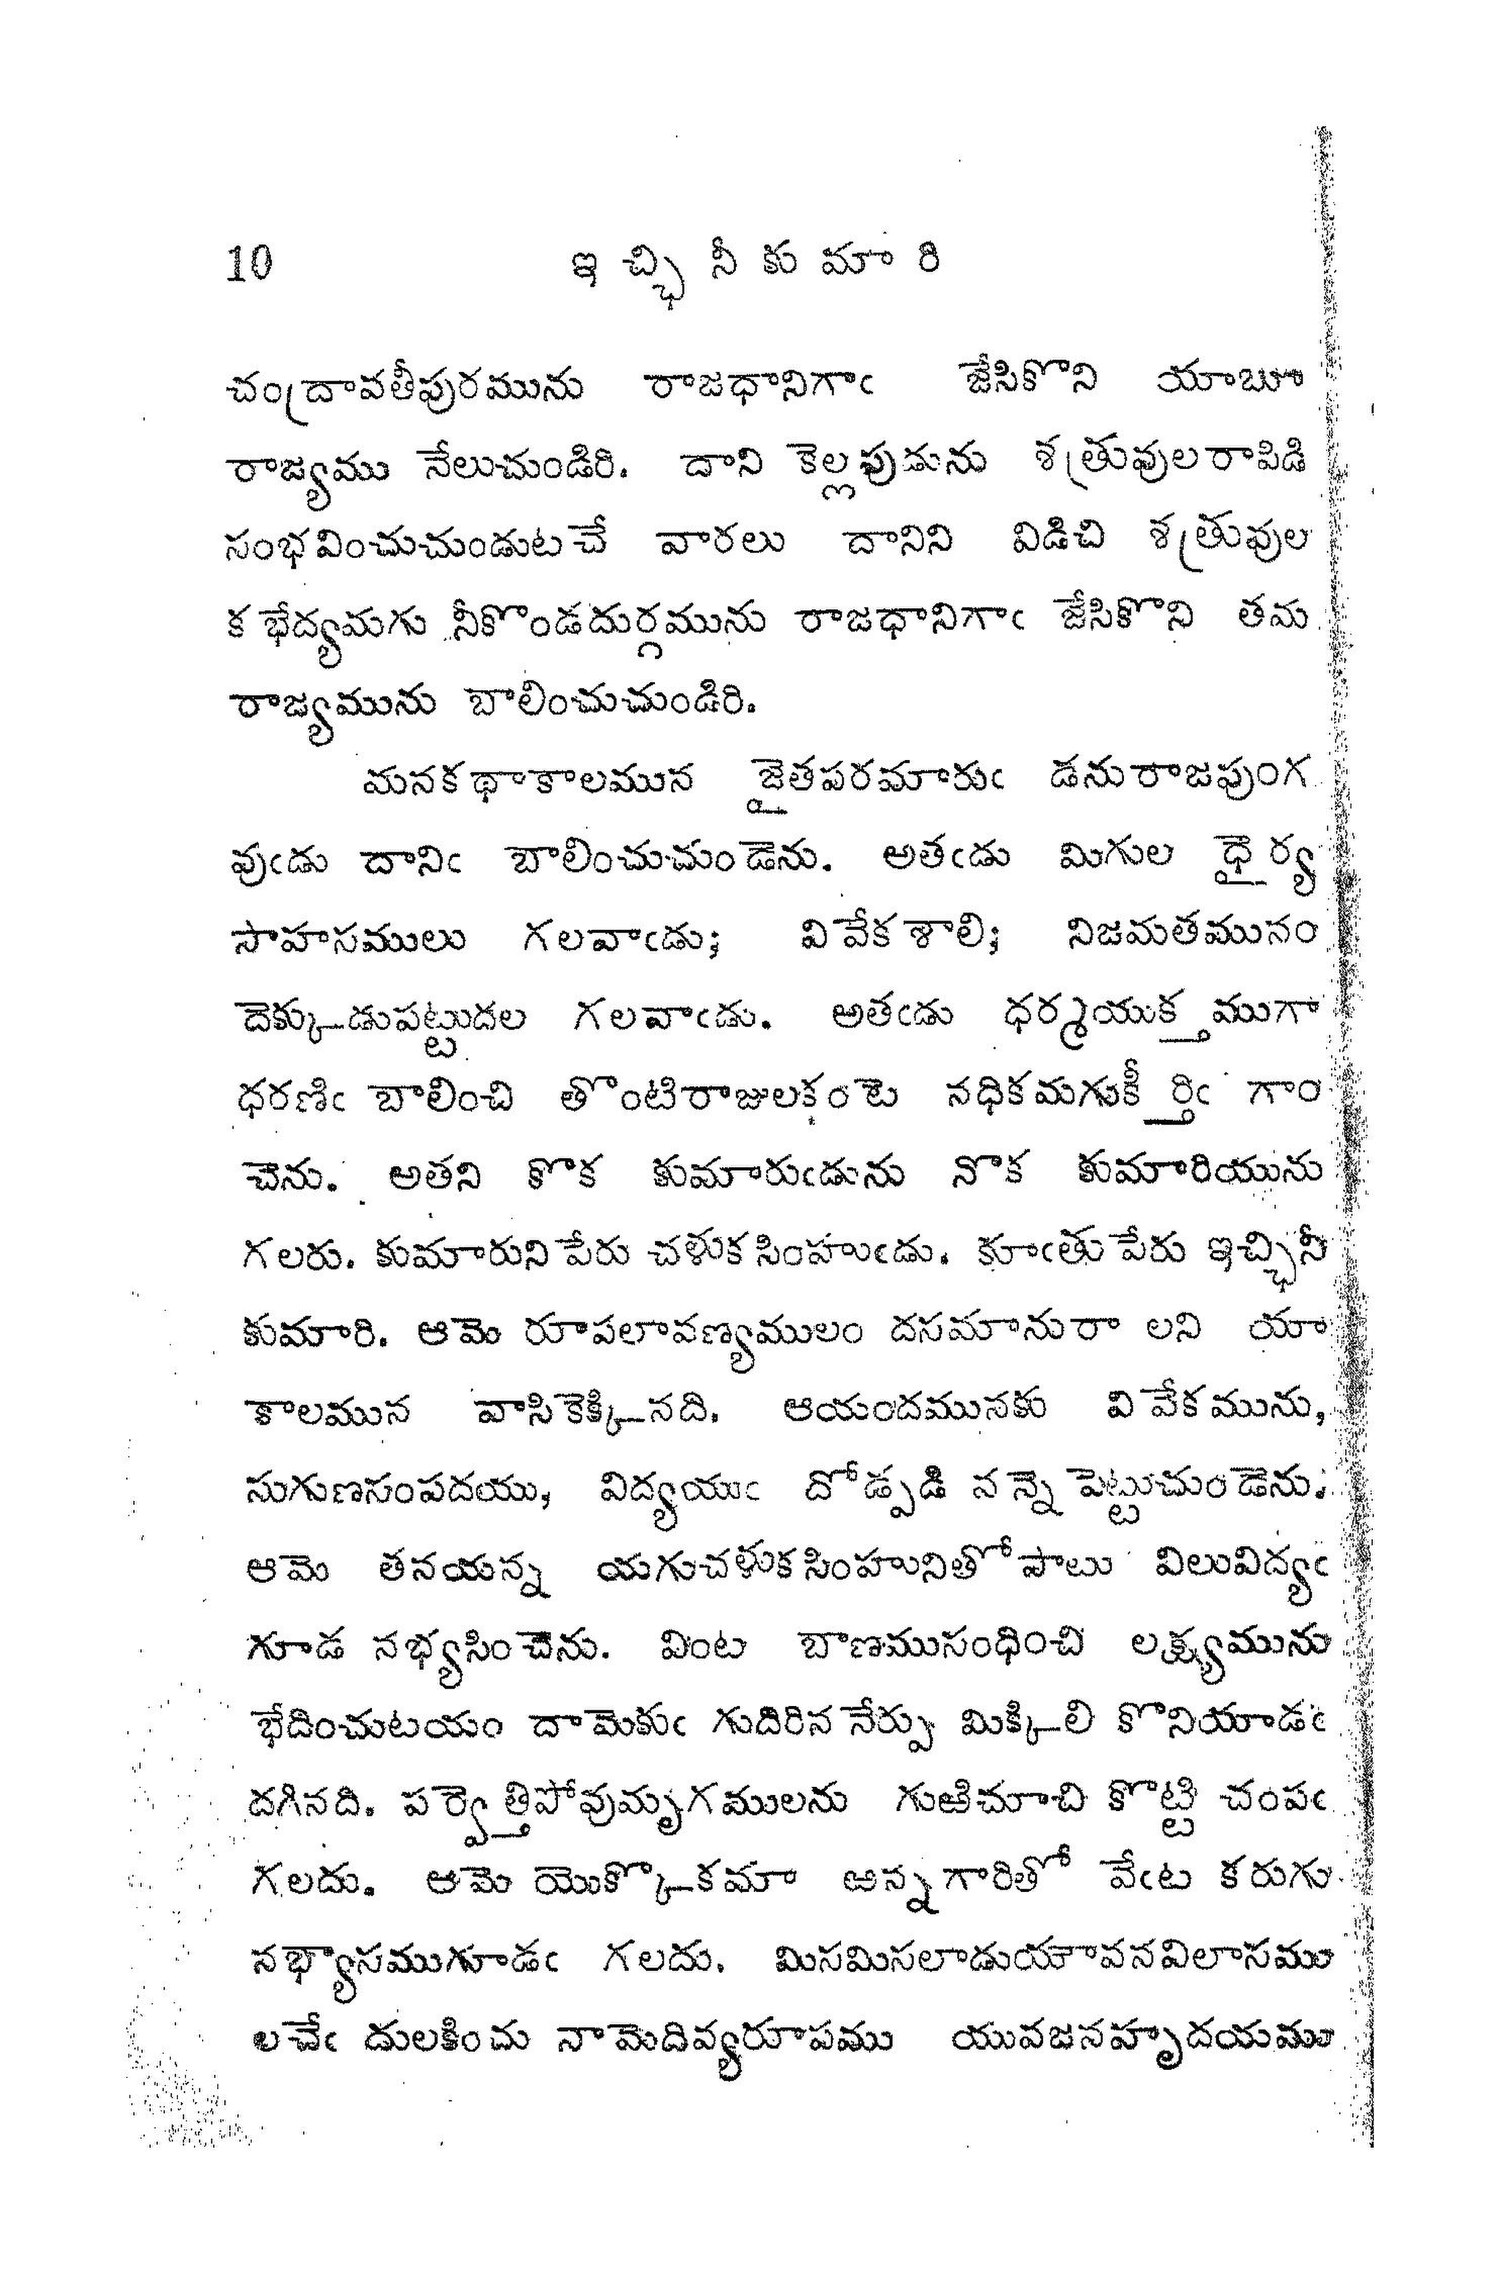చంద్రావతీ పురమును రాజధానిగాఁ జేసికొని యాబూ రాజ్యము నేలుచుండిరి. దాని కెల్లపుడును శత్రువుల రాపిడి సంభవించు చుండుటచే వారలు దానిని విడిచి శత్రువుల క భేద్యమగు నీకొండ దుర్గమును రాజధానిగాఁ జేసికొని తమ రాజ్యమును బాలించుచుండిరి.

మన కథాకాలమున జైతపరమారుఁ డను రాజపుంగ వుఁడు దానిఁ బాలించుచుండెను. అతఁడు మిగుల ధైర్య సాహసములు గలవాఁడు; వివేక శాలి; నిజమతమునం దెక్కుడు పట్టుదల గలవాఁడు. అతఁడు ధర్మయుక్త ముగా ధరణిఁ బాలించి తొంటిరాజులకంటె నధికమగు కీ ర్తి గాం చెను. అతని కొక కుమారుఁడును నొక కుమార్తి యును గలరు. కుమారుని పేరు చళుక సింహుఁడు. కూతు పేరు ఇచ్చినీ కుమారి. ఆమె రూపలావణ్యములం దసమానురాలని యా కాలమున వాసికెక్కినది. ఆయందమునకు వివేకమును, సుగుణసంపదయు, విద్యయుఁ దోడ్పడి వన్నె పెట్టుచుండెను. ఆమె తనయన్న యగుచళుక సింహునితో పాటు విలువిద్య గూడ సభ్యసించెను. వింట బాణము సంధించి లక్ష్యమును భేదించుటయం దామెకుఁ గుదిరిన నేర్పు మిక్కిలి కొనియాడ దగినది. పర్వెత్తిపోవుమృగములను గుఱిచూచి కొట్టి చంపఁ గలదు. ఆమె యొక్కొకమారన్న గారితో వేఁట కరుగు నభ్యాసముగూడఁ గలదు. మిసమిసలాడుతూ వనవిలాసము లచేఁ డులకించు నా మె దివ్యరూపము యువజన హృదయము